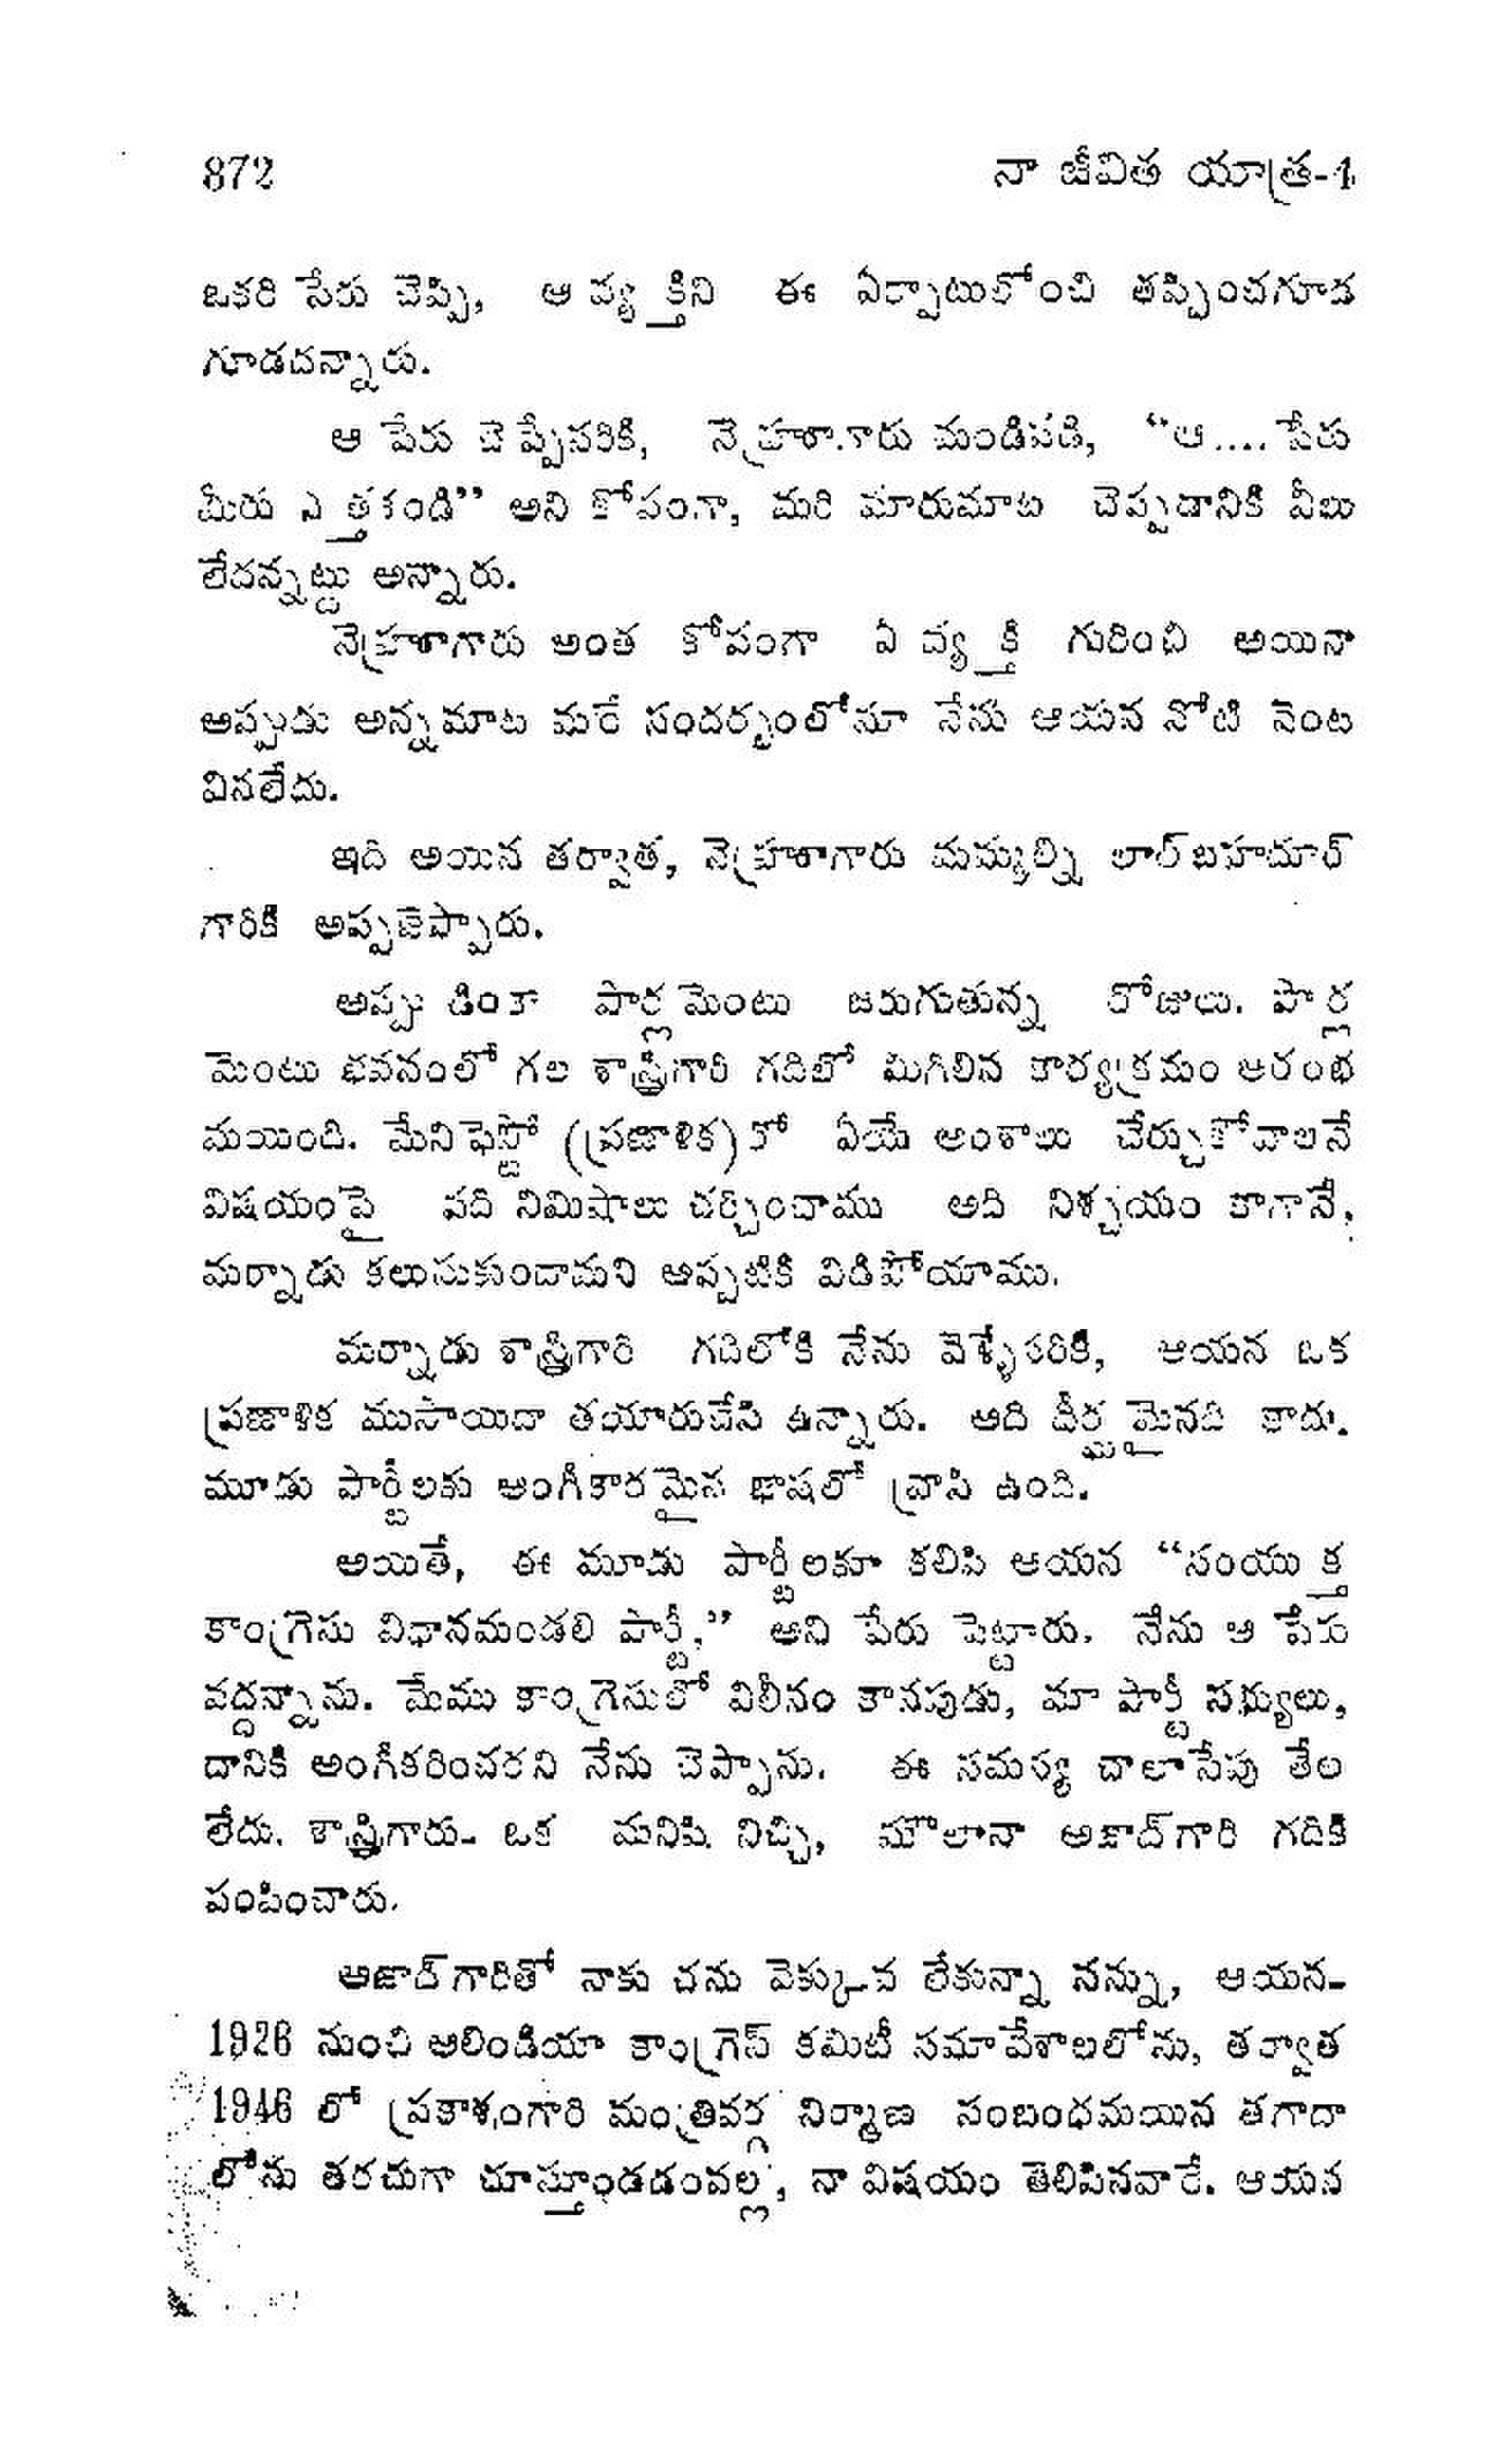ఒకరి పేరు చెప్పి, ఆ వ్యక్తిని ఈ ఏర్పాటులోంచి తప్పించగూడ గూడదన్నారు.

ఆ పేరు చెప్పేసరికి, నెహ్రూగారు మండిపడి, "ఆ.... పేరు మీరు ఎత్తకండి" అని కోపంగా, మరి మారుమాట చెప్పడానికి వీలు లేదన్నట్టు అన్నారు.

నెహ్రూగారు అంత కోపంగా ఏ వ్యక్తి గురించి అయినా అప్పుడు అన్నమాట మరే సందర్భంలోనూ నేను ఆయన నోటి వెంట వినలేదు.

ఇది అయిన తర్వాత, నెహ్రూగారు మమ్మల్ని లాల్‌బహదూర్ గారికి అప్పజెప్పారు.

అప్పు డింకా పార్లమెంటు జరుగుతున్న రోజులు. పార్లమెంటు భవనంలో గల శాస్త్రిగారి గదిలో మిగిలిన కార్యక్రమం ఆరంభమయింది. మేనిఫెస్టో (ప్రణాళిక)లో ఏయే అంశాలు చేర్చుకోవాలనే విషయంపై పది నిమిషాలు చర్చించాము. అది నిశ్చయం కాగానే, మర్నాడు కలుసుకుందామని అప్పటికి విడిపోయాము.

మర్నాడు శాస్త్రిగారి గదిలోకి నేను వెళ్ళేసరికి, ఆయన ఒక ప్రణాళిక ముసాయిదా తయారుచేసి ఉన్నారు. అది దీర్ఘమైనది కాదు. మూడు పార్టీలకు అంగీకారమైన భాషలో వ్రాసి ఉంది.

అయితే, ఈ మూడు పార్టీలకూ కలిపి ఆయన "సంయుక్త కాంగ్రెసు విథానమండలి పార్టీ," అని పేరు పెట్టారు. నేను ఆ పేరువద్దన్నాను. మేము కాంగ్రెసులో విలీనం కానపుడు, మా పార్టీ సభ్యులు, దానికి అంగీకరించరని నేను చెప్పాను. ఈ సమస్య చాలాసేపు తేలలేదు. శాస్త్రిగారు - ఒక మనిషి నిచ్చి, మౌలానా ఆజాద్‌గారి గదికి పంపించారు.

ఆజాద్‌గారితో నాకు చను వెక్కువ లేకున్నా నన్ను, ఆయన - 1928 నుంచి ఆలిండియా కాంగ్రెస్ కమిటీ సమావేశాలలోను, తర్వాత 1946 లో ప్రకాశంగారి మంత్రివర్గ నిర్మాణ సంబంధమయిన తగాదాలోను తరచుగా చూస్తూండడంవల్ల, నా విషయం తెలిసినవారే. ఆయన